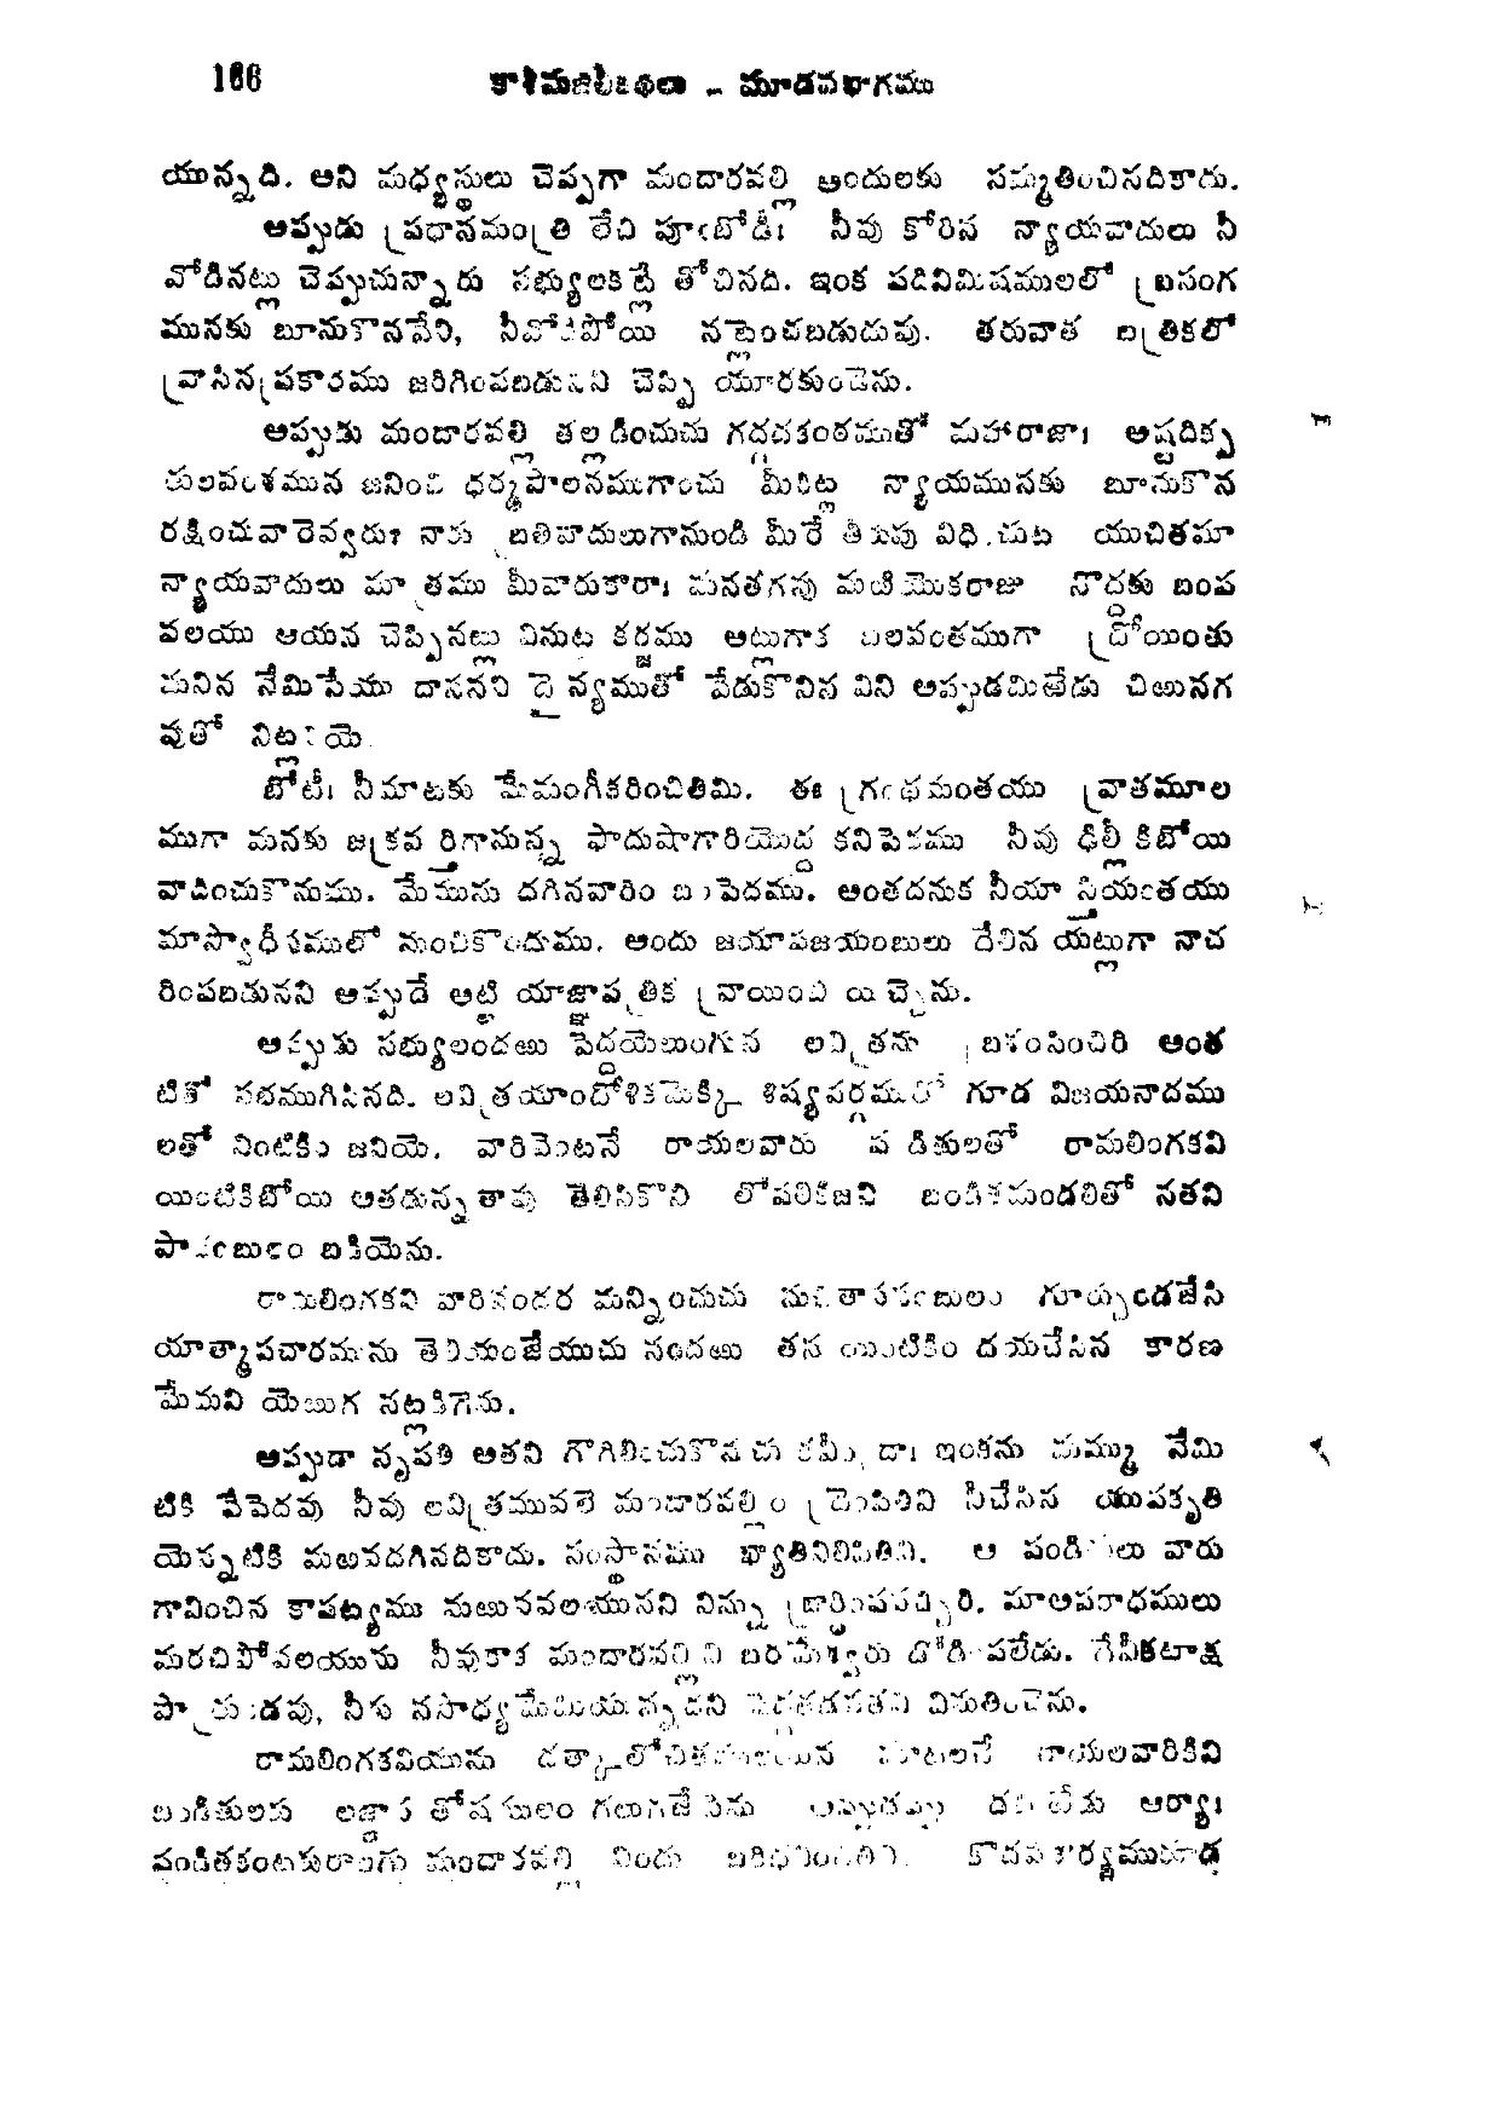యున్నది. అని మధ్యస్థులు చెప్పగా మందారవల్లి అందులకు సమ్మతించినదికాదు.

అప్పుడు ప్రధానమంత్రి లేచి పూఁబోడీ! నీవు కోరిన న్యాయవాదులు నీ వోడినట్లు చెప్పుచున్నారు సభ్యులకట్లే తోచినది. ఇంక పదినిమిషములలో బ్రసంగమునకు బూనుకొనవేని, నీ వోడిపోయిన ట్లెంచబడుదువు. తరువాత బత్రికలో వ్రాసినప్రకారము జరిగింపబడునని చెప్పి యూరకుండెను.

అప్పుడు మందారవల్లి తల్లడించుచు గద్గదకంఠముతో మహారాజా! అష్టదిక్పతులవంశమున జనించి ధర్మపాలనముగాంచు మీరి ట్లన్యాయమునకు బూనుకొన రక్షించువారెవ్వరు? నాకు బ్రతివాదులుగా నుండి మీరే తీరుపు విధించుట యుచితమా న్యాయవాదులు మాత్రము మీవారుకారా! మనతగవు మఱియొకరాజు నొద్దకు బంపవలయు ఆయన చెప్పినట్లు వినుట కర్జము అట్లుగాక బలవంతముగా ద్రోయింతుమనిన నేమిసేయుదాననని దైన్యముతో వేడుకొనిన విని అప్పుడమిఱేడు చిఱునగవుతో నిట్లనియె.

బోటీ! నీమాటకు మేమంగీకరించితిమి. ఈ గ్రంథమంతయు వ్రాతమూలముగా మనకు జక్రవర్తిగానున్న ఫాదుషాగారియొద్ద కనిపెదము నీవు ఢిల్లీకిబోయి వాదించుకొనుము. మేమును దగినవారిం బంపెదము. అంతదనుక నీయాస్తియంతయు మాస్వాధీనములో నుంచికొందుము. అందు జయాపజయంబులు దేలిన యట్లుగా నాచరింపబడునని అప్పుడే అట్టి యాజ్ఞాపత్రిక వ్రాయించి యిచ్చెను.

అప్పుడు సభ్యులందఱు పెద్దయెలుంగున లవిత్రను బ్రశంసించిరి అంతటితో సభముగిసినది. లవిత్ర యాందోళిక మెక్కి శిష్యవర్గముతో గూడ విజయనాదములతో నింటికిం జనియె. వారివెంటనే రాయలవారు పండితులతో రామలింగకవి యింటికిబోయి ఆతడున్న తావు తెలిసికొని లోపలికి జని బండితమండలితో నతని పాదంబులం బడియెను.

రామలింగకవి వారినందర మన్నించుచు నుచితాసనంబులం గూర్చుండజేసి యాత్మాపచారమును తెలియంజేయుచు నందఱు తన యింటికిం దయచేసిన కారణ మేమని యెఱుగ నట్లడిగెను.

అప్పుడా నృపతి ఆతని గౌగిలించుకొనుచు కవీంద్రా! ఇంకను మమ్ము నేమిటికి వేపెదవు నీవు లవిత్రమువలె మందారవల్లిం ద్రెంపితివి నీచేసిన యుపకృతి యెన్నటికి మఱవదగినదికాదు. సంస్థానము ఖ్యాతినిలిపితివి. ఆ పండితులు వారు గావించిన కాపట్యము మఱువవలయునని నిన్ను బ్రార్ధింపవచ్చిరి. మాఅపరాధములు మరచిపోవలయును నీవురాక మందారవల్లిని బరమేశ్వరు డోడింపలేడు. దేవీకటాక్షపాత్రుండవు. నీకు నసాధ్యమేమియున్నదని పెద్దతడ వతని వినుతించెను.

రామలింగకవియును దత్కాలోచితములయిన మాటలచే రాయలవారికిని బండితులకు లజ్జాసంతోషములం గలుగజేసెను. అప్పు డప్పుడమిఱేడు ఆర్యా! పండితకంటకురాలగు మందారవల్లి నిందు బరిభవించితివి. కొదవకార్యముకూడ